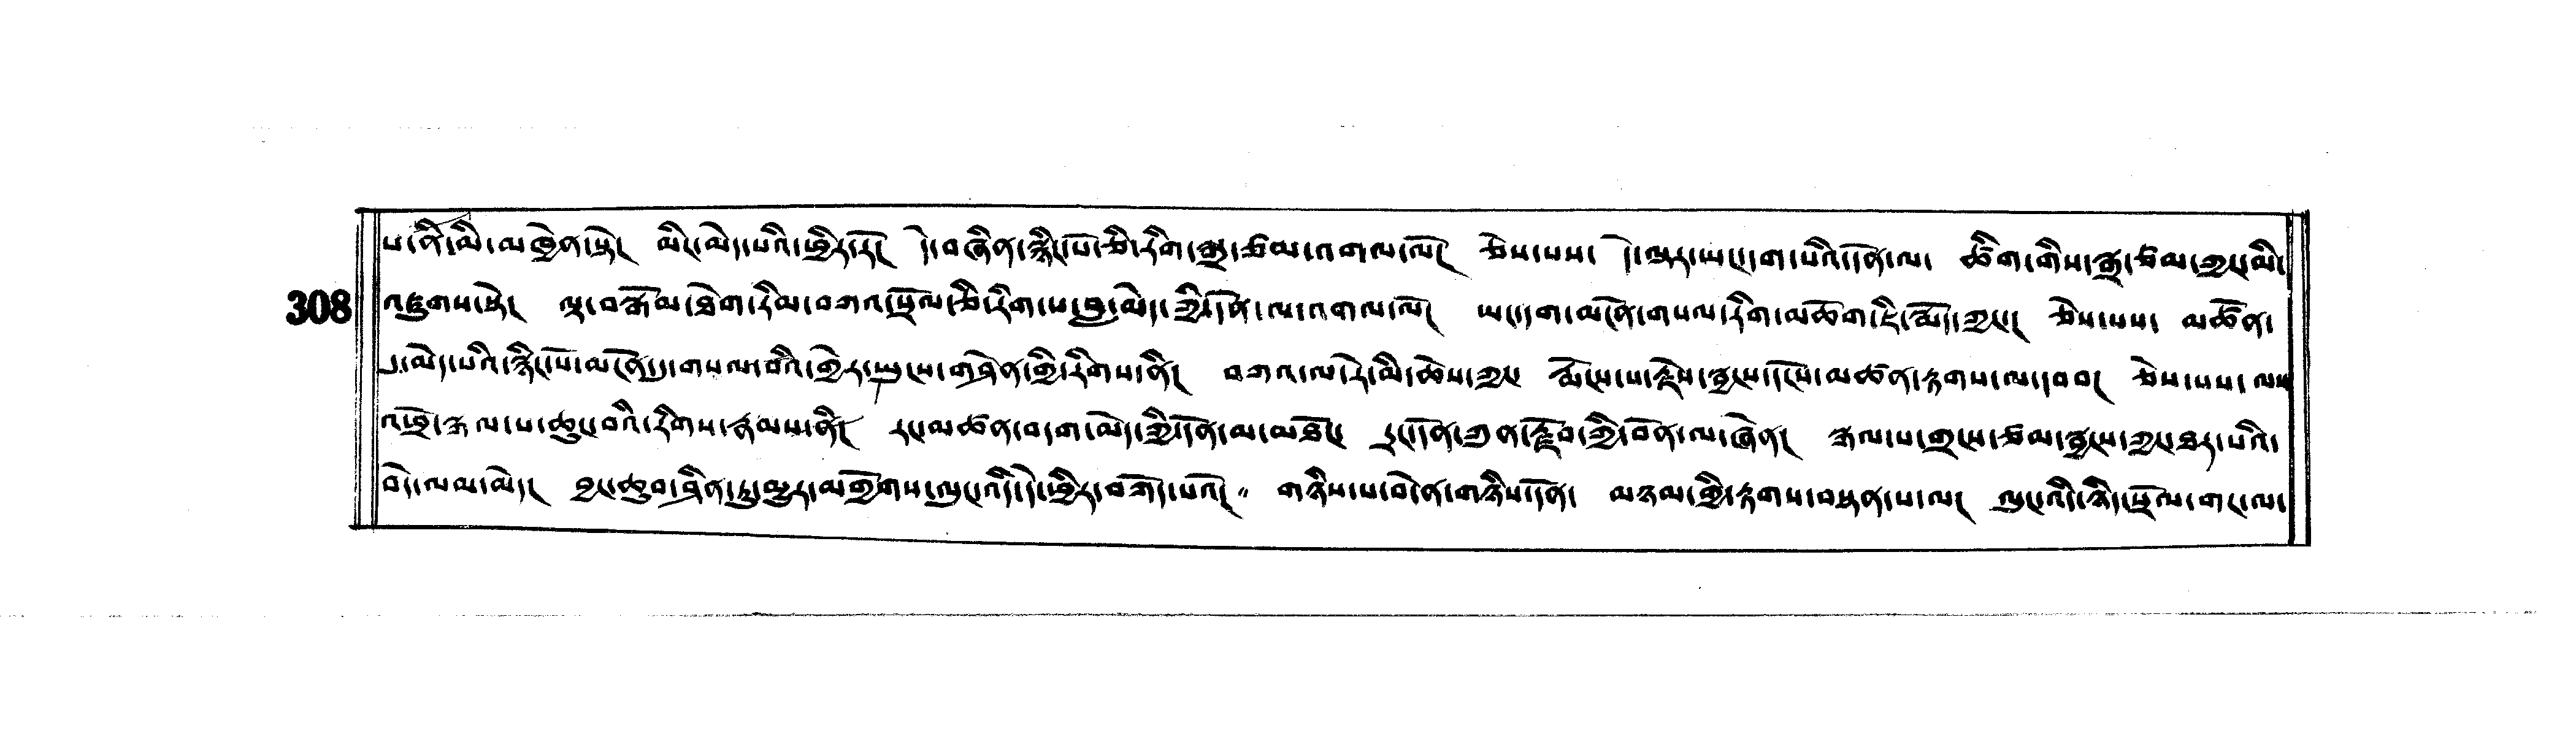པ་ནི་མི་མཁྱེན་ཏེ། མིང་མེད་པའི་ཕྱིར་རོ། དེ་བཞིན་སྙིང་པོ་ཅི་རིགས་སྒྲ་ཙམ་འགལ་ལོ། ཅེས་པས་ དེ་ལྟར་ཡང་དག་པའི་དོན་ལ་ཚིག་གི་སྒྲ་ཙམ་ཡང་མི་
འཇུག་སྟེ། ལྟ་སྒོམ་ཐེག་རིམ་ཅི་རིགས་པ་བླ་མེད་ཀྱི་དོན་ལ་འགལ་ལོ། ཡང་དག་མངོན་གསལ་རིག་མཆོག་ཇི་སྨོད་ཀྱང་། ཅེས་པས། མཚོན་
དུ་མེད་པའི་སྙིང་པོ་མངོན་དུ་གསལ་བའི་གྱེར་སྤུངས་གཤེན་གྱི་རིགས་ནི། བཀའ་ལ་རེ་མི་ཆེས་ཀྱང་། རྨོངས་པ་རྗེས་སྦྱངས་མངོན་མཚན་རྟགས་ལ་དབབ། ཅེས་པས་ལས་
འཕྲོ་སྐལ་པ་ཆུང་བའི་རིགས་རྣམས་ནི། རང་མཚན་བདག་མེད་ཀྱི་དོན་མ་མཐོང་། དྲང་དོན་ཀུན་རྫོབ་ཀྱི་བོན་ལ་ཞེན། བསྐལ་པ་གྲངས་ཙམ་སྦྱངས་ཀྱང་ཐར་པའི་
བདེ་ལམ་མེད། བྱང་ཆུབ་ཤིན་ཏུ་མྱུར་མགྱོགས་ལུང་འདི་དེ་ཕྱིར་བཀོད་པའོ། ༧ གཉིས་པ་བདེན་གཉིས་དོ་མཉམ་གྱི་རྟགས་བསྟན་པ་ལ། ལུང་འདི་ཉིད་སྲོལ་གང་ལ་